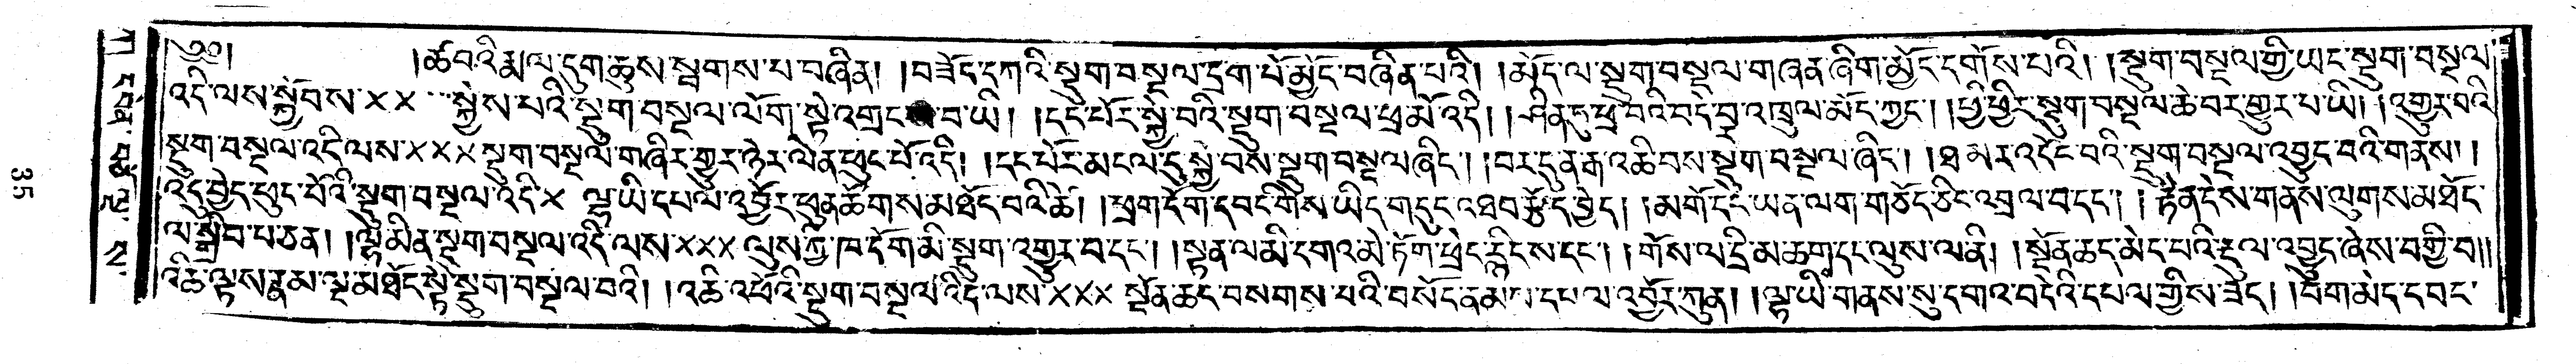༄༅། །ཚ་བའི་རྨལ་དུག་ཆུས་སྦགས་པ་བཞིན། །བཟོད་དཀའི་སྡུག་བསྔལ་དྲག་པོ་མྱོང་བཞིན་པའི། །མོད་ལ་སྡུག་བསྔལ་གཞན་ཞིག་མྱོང་དགོས་པའི། །སྡུག་བསྔལ་གྱི་ཡང་སྡུག་བསྔལ་
འདི་ལས་སྐྱོབས་྾་྾་སྐྱེས་པའི་སྡུག་བསྔལ་ལོག་སྟེ་འགྲངས་བ་ཡི། །དང་པོར་སྐྱེ་བའི་སྡུག་བསྔལ་ཕྲ་མོ་འདི། །ཤིན་ཏུ་ཕྲ་བའི་བདེ་བར་འཁྲུལ་མོད་ཀྱང་། །ཕྱི་ཕྱིར་སྡུག་བསྔལ་ཆེ་བར་གྱུར་པ་ཡི། །འགྱུར་བའི་
སྡུག་བསྔལ་འདི་ལས་྾་྾་྾་སྡུག་བསྔལ་གཞིར་གྱུར་ཉེར་ལེན་ཕུང་པོ་འདི། །དང་པོར་མངལ་དུ་སྐྱེ་བས་སྡུག་བསྔལ་ཞིང་། །བར་དུ་ན་རྒ་འཆི་བས་སྡུག་བསྔལ་ཞིང་། །ཐ་མར་འདོང་བའི་སྡུག་བསྔལ་འབྱུང་བའི་གནས། །
འདུ་བྱེད་ཕུང་པོའི་སྡུག་བསྔལ་འདི་྾་ལྷ་ཡི་དཔལ་འབྱོར་ཕུན་ཚོགས་མཐོད་བའི་ཚེ། །ཕྲག་དོག་དབང་གིས་ཡིད་གདུང་འཐབ་རྩོད་བྱེད། །མགོ་དང་ཡན་ལག་གཅོད་ཅིང་འབྲལ་བ་དང་། །རྟེན་ངེས་གནས་ལུགས་མཐོང་
ལ་སྒྲིབ་པ་ཅན། །ལྷ་མིན་སྡུག་བསྔལ་འདི་ལས་྾་྾་྾་ལུས་ཀྱི་ཁ་དོག་མི་སྡུག་འགྱུར་བ་དང་། །སྟན་ལ་མི་དགའ་མེ་ཏོག་ཕྲེང་རྙིངས་དང་། །གོས་ལ་དྲི་མ་ཆགས་དང་ལུས་ལ་ནི། །སྔོན་ཆད་མེད་པའི་རྡུལ་འབྱུང་ཞེས་བགྱི་བ།།
འཆི་ལྟས་རྣམ་ལྔ་མཐོང་སྟེ་སྡུག་བསྔལ་བའི། །འཆི་འཕོའི་སྡུག་བསྔལ་འདི་ལས་྾་྾་྾་སྔོན་ཆད་བསགས་པའི་བསོད་ནམས་དཔལ་འབྱོར་ཀུན། །ལྷ་ཡི་གནས་སུ་དགའ་བདེའི་དཔལ་གྱིས་ཟད། །བག་མེད་དབང་